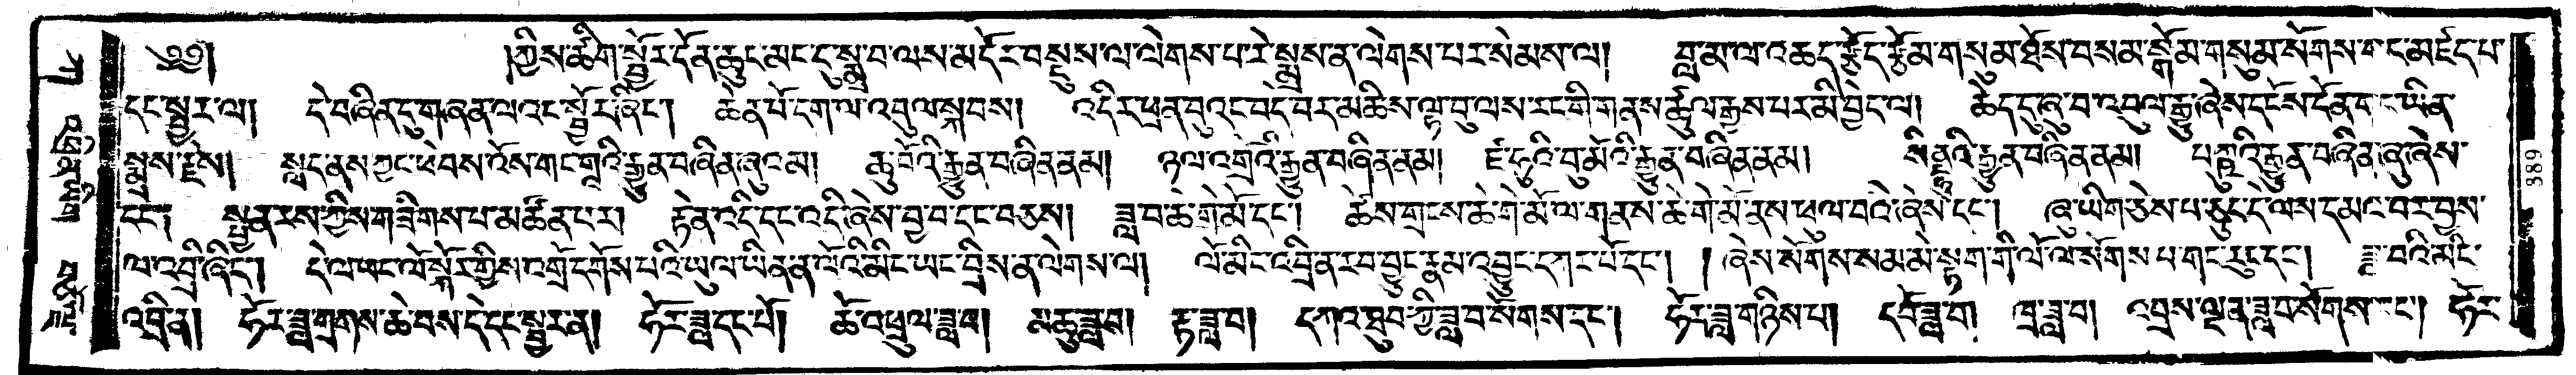༄༅། །ཀྱིས་ཚིག་སྦྱོར་དོན་ཆུང་མང་དུ་སྨྲ་བ་ལས་མདོར་བསྡུས་ལ་ལེགས་པ་རེ་སྨྲས་ན་ལེགས་པར་སེམས་ལ། བླ་མ་ལ་འཆད་རྩོད་རྩོམ་གསུམ་ཐོས་བསམ་སྒོམ་གསུམ་སོགས་གང་མཛད་པ་
དང་སྦྱར་ལ། དེ་བཞིན་དུ་གཞན་ལའང་སྦྱོར་ཞིང་། ཆེན་པོ་དག་ལ་འབུལ་སྐབས། འདིར་ཕྲན་བུའམ་བདེ་བར་མཆིས་ལྟ་བུ་ལས་རང་གི་གནས་ཚུལ་རྒྱས་པར་མི་བྱེད་ལ། ཆེད་དུ་ཞུ་བ་འབུལ་རྒྱུ་ཞེས་དངོས་དོན་གང་ཡིན་
སྨྲས་རྗེས། སླད་ནས་ཀྱང་ཕེབས་འོས་གང་གླའི་རྒྱུན་བཞིན་ཞུའམ། ཆུ་བོའི་རྒྱུན་བཞིན་ནམ། ཉལ་འགྲོའི་རྒྱུན་བཞིན་ནམ། ཛ་ཧཱུའི་བུ་མོའི་རྒྱུན་བཞི་ནྣམ། སིནྡྷུའི་རྒྱུན་བཞིན་ནམ། པཀྵུའི་རྒྱུན་བཞིན་ཞུ་ཞེས་
དང་། སྤྱན་རས་ཀྱིས་གཟིགས་པ་མཚན་པར། རྟེན་འདི་དང་འདི་ཞེས་བྱ་བ་དང་བཅས། ཟླ་བ་ཆེ་གེ་མོ་དང་། ཚེས་གྲངས་ཆེ་གེ་མོ་ལ་གནས་ཆེ་གེ་མོ་ནས་ཕུལ་བའི་ཞེས་དང་། ཞུ་ཡིག་ཅེས་པ་ཅུང་དེ་ལས་དམའ་བར་བྱས་
ལ་འབྲི་ཞིང་། དེ་ལ་ཡང་ལོ་སྐོར་གྱིས་འགྲོ་དགོས་པའི་ཡུལ་ཡིན་ན་ལོའི་མིང་ཡང་བྲིས་ན་ལེགས་ལ། ལོ་མིང་འབྲི་ན་རབ་བྱུང་རྣམ་འབྱུང་དཀར་པོ་དང་། །ཞེས་སོགས་སམ་མེ་སྟག་གི་ལོ་ལ་སོགས་པ་གང་རུང་དང་། ཟླ་བའི་མིང་
འབྲི་ན། ཧོར་ཟླ་གྲགས་ཆེ་བས་དེ་དང་སྦྱར་ན། ཧོར་ཟླ་དང་པོ། ཆོ་འཕྲུལ་ཟླ་བ། མཆུ་ཟླ་བ། རྟ་ཟླ་བ། དཀའ་ཐུབ་ཀྱི་ཟླ་བ་སོགས་དང་། ཧོར་ཟླ་གཉིས་པ། དབོ་ཟླ་བ། ཁྲ་ཟླ་བ། འབྲས་ལྡན་ཟླ་བ་སོགས་ང་། ཧོར་